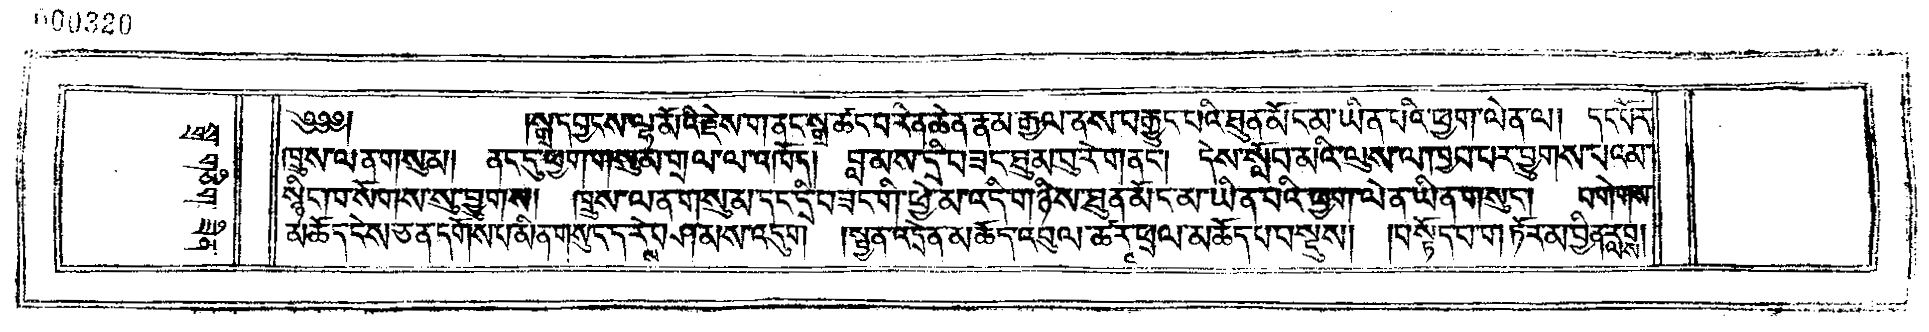༄༅༅། །སྒྲ་དབྱངས་ལྷ་མོའི་རྗེས་གནང་སྒྲ་ཚང་བ་རིན་ཆེན་རྣམ་རྒྱལ་ནས་བརྒྱུད་པའི་ཐུན་མོང་མ་ཡིན་པའི་ཕྱག་ལེན་ལ། དང་པོར་
ཁྲུས་ལན་གསུམ། ནང་དུ་ཕྱག་གསུམ་གྲལ་ལ་འཁོད། བླ་མས་དྲི་བཟང་ཐུམ་བུ་རེ་གནང་། དེས་སློབ་མའི་ལུས་ལ་ཁྱབ་པར་བྱུགས་པའམ་
སྙིང་ཁ་སོགས་སུ་བྱུགས། ཁྲུས་ལན་གསུམ་དང་དྲི་བཟང་གི་ཕྱེ་མ་འདི་གཉིས་ཐུན་མོང་མ་ཡིན་པའི་ཕྱག་ལེན་ཡིན་གསུང་། བགེགས་
མཆོད་ངེས་ཅན་དགོས་པ་མིན་གསུང་ད་རེས་བཤམས་འདུག །སྤྱན་འདྲེན་མཆོད་འབུལ་ཚར་འཕྲལ་མཆོད་པ་བསྡུས། །བསྟོད་པ་གཏོར་མ་བྱིན་རླབས།